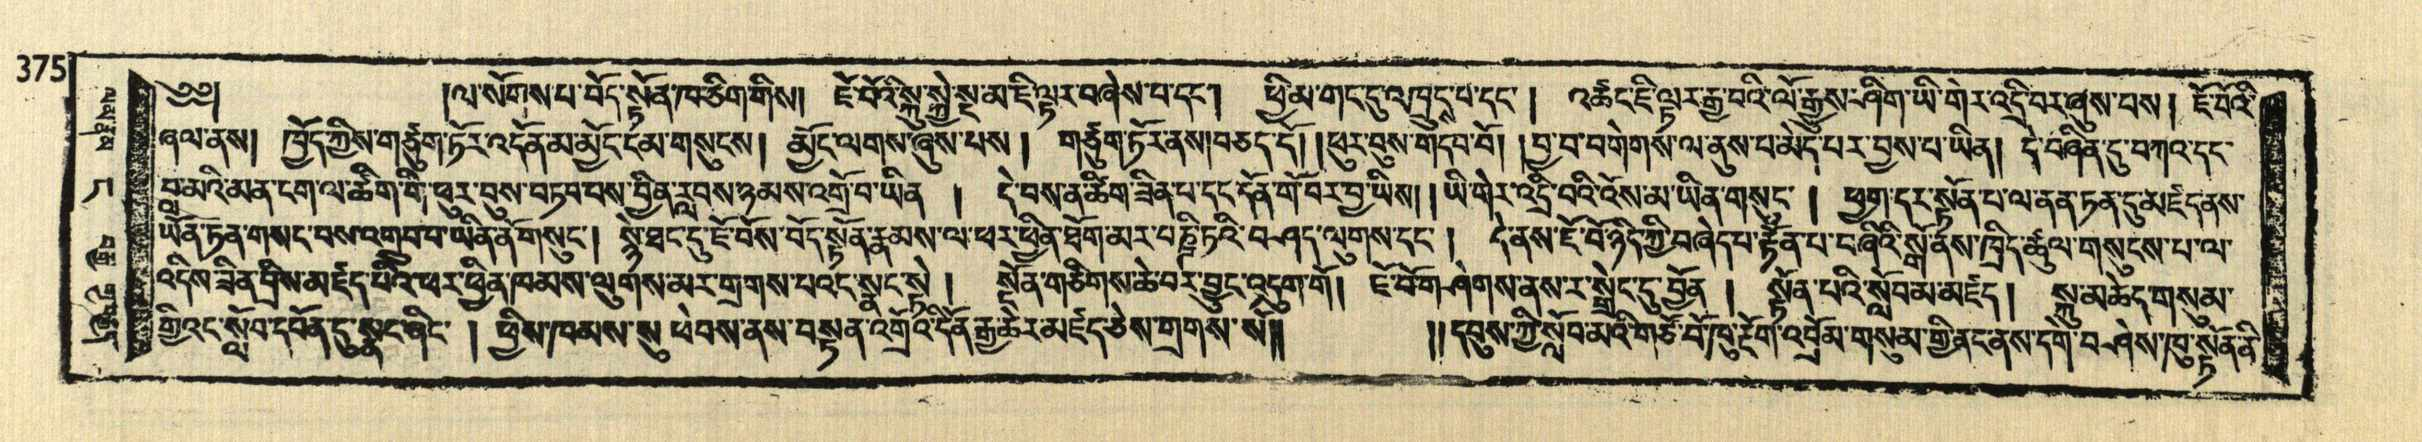༄༅། །ལ་སོགས་པ་བོད་སྟོན་ཁ་ཅིག་གིས། ཇོ་བོའི་སྐུ་སྐྱེ་སྔ་མ་ཇི་ལྟར་བཞེས་པ་དང་། ཕྱི་མ་གང་དུ་འཁྲུངས་པ་དང་། འཚང་ཇི་ལྟར་རྒྱ་བའི་ལོ་རྒྱུས་ཤིག་ཡི་གེར་འདྲི་བར་ཞུས་པས། ཇོ་བོའི་
ཞལ་ནས། ཁྱོད་ཀྱིས་གཙུག་ཏོར་འདོན་མ་མྱོང་ངམ་གསུངས། མྱོང་ལགས་ཞུས་པས། གཙུག་ཏོར་ནས། བཅད་དོ། །ཕུར་བུས་གདབ་བོ། །བྱ་བ་བགེགས་ལ་ནུས་པ་མེད་པར་བྱས་པ་ཡིན། དེ་བཞིན་དུ་བཀའ་དང་
བླ་མའི་མན་ངག་ལ་ཚིག་གི་ཕུར་བུས་བཏབ་པས་བྱིན་རླབས་ཉམས་འགྲོ་བ་ཡིན། དེ་བས་ན་ཚིག་ཟིན་པ་དང་དོན་གོ་བར་བྱ་ཡིས། ཡི་གེར་འདྲི་བའི་འོས་མ་ཡིན་གསུང་། ཕྱག་དར་སྟོན་པ་ལ་ནན་ཏན་དུ་མཛད་ནས་
ཡོན་ཏན་གསང་བས་འགྲུབ་པ་ཡིན་ནོ་གསུང་། སྙེ་ཐང་དུ་ཇོ་བོས་བོད་སྟོན་རྣམས་ལ་ཕར་ཕྱིན་ཐོག་མར་པཎྜི་ཏའི་བཤད་ལུགས་དང་། དེ་ནས་ཇོ་བོ་ཉིད་ཀྱི་བཞེད་པ་རྟོན་པ་བཞིའི་སྒོ་ནས་ཁྲིད་ཚུལ་གསུངས་པ་ལ་
འདིས་ཟིན་བྲིས་མཛད་པའི་ཕར་ཕྱིན་ཁམས་ལུགས་མར་གྲགས་པའང་སྣང་སྟེ། སྔོན་གཙིགས་ཆེ་བར་བྱུང་འདུག་གོ། ཇོ་བོ་གཤེགས་ནས་ར་སྒྲེང་དུ་བྱོན། སྟོན་པའི་སློབ་མ་མཛད། སྐུ་མཆེད་གསུམ་
གྱིའང་སློབ་དཔོན་དུ་སྣང་ཞིང་། ཕྱིས་ཁམས་སུ་ཕེབས་ནས་བསྟན་འགྲོའི་དོན་རྒྱ་ཆེར་མཛད་ཅེས་གྲགས་སོ།། །།དབུས་ཀྱི་སློབ་མའི་གཙོ་བོ་ཁུ་རྔོག་འབྲོམ་གསུམ་གྱི་ནང་ནས་དགེ་བཤེས་ཁུ་སྟོན་ནི་